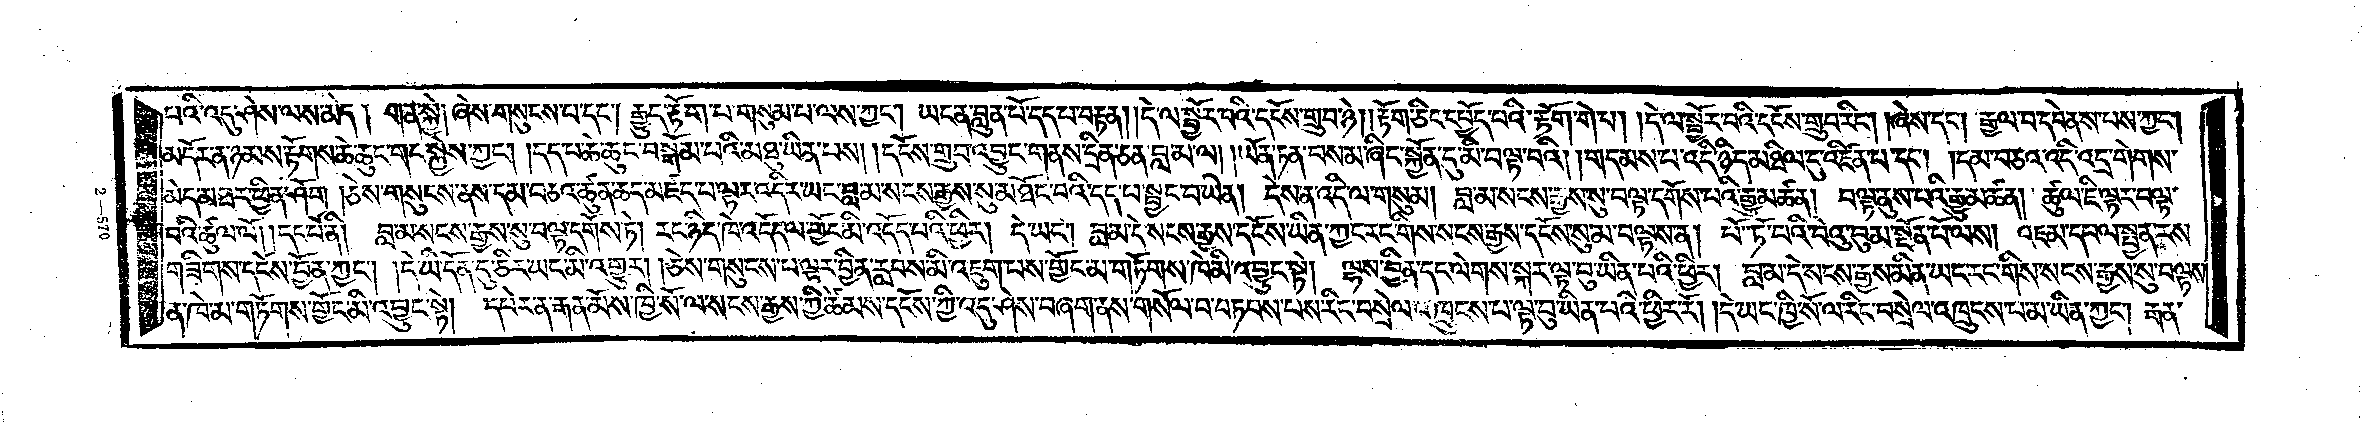པའི་འདུ་ཤེས་ལས་མེད། གན་སྐྱེ། ཞེས་གསུངས་པ་དང་། རྒྱུད་རྟོག་པ་གསུམ་པ་ལས་ཀྱང་། ཡང་ན་བླུན་པོ་དད་པ་བརྟན། །དེ་ལ་སྦྱོར་བའི་དངོས་གྲུབ་ཉེ། །རྟོག་ཅིང་དཔྱོད་པའི་རྟོག་གེ་པ། །དེ་ལ་སྦྱོར་བའི་དངོས་གྲུབ་རིང་། །ཞེས་དང་། རྒྱལ་བ་དབེན་ས་པས་ཀྱང་།
མདོར་ན་ཉམས་རྟོགས་ཆེ་ཆུང་གང་སྐྱེས་ཀྱང་། །དད་པ་ཆེ་ཆུང་བསྒོམ་པའི་མཐུ་ཡིན་པས། །དངོས་གྲུབ་འབྱུང་གནས་དྲིན་ཅན་བླ་མ་ལ། །ཡོན་ཏན་བསམ་ཞིང་སྐྱོན་དུ་མི་བལྟ་བའི། །གདམས་པ་འདི་ཉིད་མཐིལ་དུ་འཛིན་པ་དང་། །དམ་བཅའ་འདི་འདྲ་གེགས་
མེད་མཐར་ཕྱིན་ཤོག །ཅེས་གསུངས་ནས་དམ་བཅའ་ཚུན་ཆད་མཛད་པ་ལྟར་འདིར་ཡང་བླ་མ་སངས་རྒྱས་སུ་མཐོང་བའི་དད་པ་སྦྱང་བ་ཡིན། དེས་ན་འདི་ལ་གསུམ། བླ་མ་སངས་རྒྱས་སུ་བལྟ་དགོས་པའི་རྒྱུ་མཚན། བལྟ་ནུས་པའི་རྒྱུ་མཚན། ཚུལ་ཇི་ལྟར་བལྟ་
བའི་ཚུལ་ལོ། །དང་པོ་ནི། བླ་མ་སངས་རྒྱས་སུ་བལྟ་དགོས་ཏེ། རང་ཉིད་ཁེ་འདོད་ལ་གྱོང་མི་འདོད་པའི་ཕྱིར། དེ་ཡང་། བླ་མ་དེ་སངས་རྒྱས་དངོས་ཡིན་ཀྱང་རང་གིས་སངས་རྒྱས་དངོས་སུ་མ་བལྟས་ན། པོ་ཏོ་བའི་བེའུ་བུ་མ་སྔོན་པོ་ལས། འཇམ་དཔལ་སྤྱན་རས་
གཟིགས་དངོས་བྱོན་ཀྱང་། །དེ་ཡི་དོན་དུ་ཅིར་ཡང་མི་འགྱུར། །ཅེས་གསུངས་པ་ལྟར་བྱིན་རླབས་མི་འཇུག་པས་གྱོང་མ་གཏོགས་ཁེ་མི་འབྱུང་སྟེ། ལྷས་བྱིན་དང་ལེགས་སྐར་ལྟ་བུ་ཡིན་པའི་ཕྱིར། བླ་མ་དེ་སངས་རྒྱས་མིན་ཡང་རང་གིས་སངས་རྒྱས་སུ་བལྟས་
ན་ཁེ་མ་གཏོགས་གྱོང་མི་འབྱུང་སྟེ། དཔེར་ན་རྒན་མོས་ཁྱིམ་སོ་ལ་སངས་རྒྱས་ཀྱི་ཚེམས་དངོས་ཀྱི་འདུ་ཤེས་བཞག་ནས་གསོལ་བ་བཏབས་པས་རིང་བསྲེལ་འཁྲུངས་པ་ལྟ་བུ་ཡིན་པའི་ཕྱིར་རོ། །དེ་ཡང་ཁྱི་སོ་ལ་རིང་བསྲེལ་འཁྲུངས་པ་མ་ཡིན་ཀྱང་། རྒན་